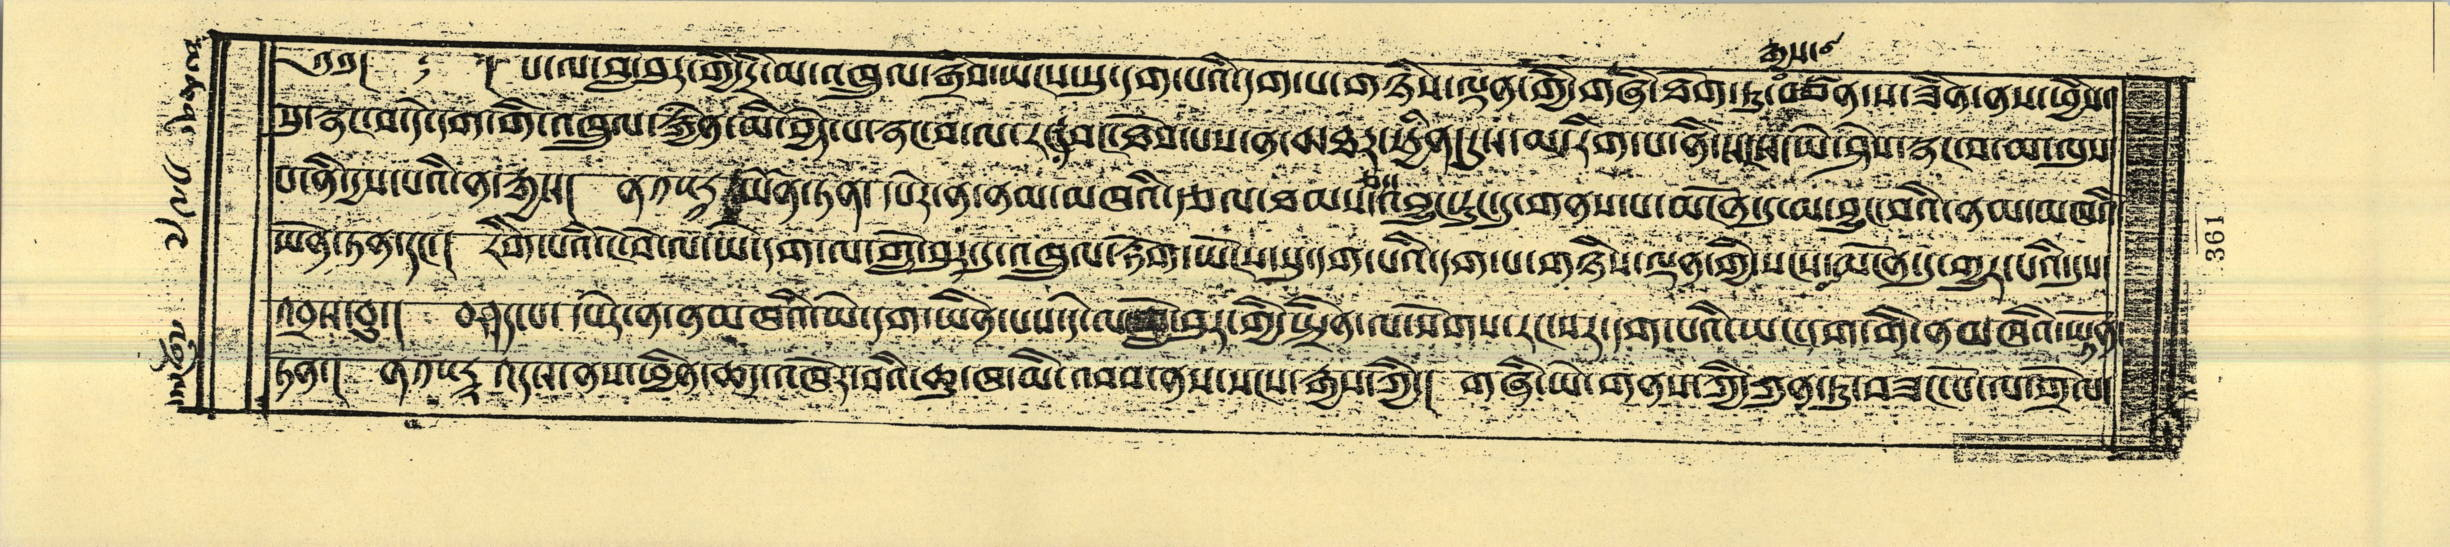པ་ལ་བློ་བུར་གྱི་དྲི་མ་འཁྲུལ་སྒྲིབ་ཡོངས་སུ་དག་པའི་དག་པ་གཉིས་ལྡན་གྱི་གཞི་ཐོག་ཏུ་བཙན་ས་ཟིན་ནས་ཕྱིས་
སུ་སྣང་བ་དེ་དག་གི་འཁྲུལ་རྐྱེན་མི་བྱེད་པ་སྣང་བ་ལ་རང་དབང་ཐོབ་པས་ན་ ༼མཐར་ཕྱིན་དུས་༽མ་རིག་པ་ནི་ ༼སངས་༽ཡེ་ཤེས་སྣང་བ་མ་ལུས་
པ་ནི་རྒྱས་པའི་ན་ ༼རྒྱས།༽ན༡༥༨།༡ ༼ཡོན་ཏན་༽དཔེར་ན་ནམ་མཁའི་རྩལ་ཐམས་ཅད་འབྱུང་རུང་དུ་གནས་པ་མངོན་དུ་མ་བྱུང་བའི་ནམ་མཁའི་
ཡོན་ཏན་དང། རིག་པའི་ངོ་བོ་ལ་ཡེ་དག་ལ་གློ་བུར་དུ་འཁྲུལ་རྟོག་ཡོངས་སུ་དག་པའི་དག་པ་གཉིས་ལྡན་གྱི་སངས་རྒྱས་མངོན་དུ་གྱུར་པའི་དུས་ 
༼འབྲས་བུ།༽ ༼བཤད་པ་༽དཔེར་ན་ནམ་མཁའི་ཡེ་དག་ཡིན་པས་དེ་ལ་གློ་བུར་གྱི་སྤྲིན་ལ་སོགས་རང་སར་དག་པའི་ཡང་དག་གི་ནམ་མཁའི་ཡོན་ཏན། 
ཏན། ན༡༥༨།༢ ༼འདས་༽ནས་ཕྱིན་ཆད་འཁོར་བའི་ཆུ་ཁ་མི་འབབ་ནས་སངས་རྒྱས་ཀྱི། གཞི་ཡེ་གནས་ཀྱི་ཀུན་ཏུ་བཟང་པོ་ལ་གྲོལ་